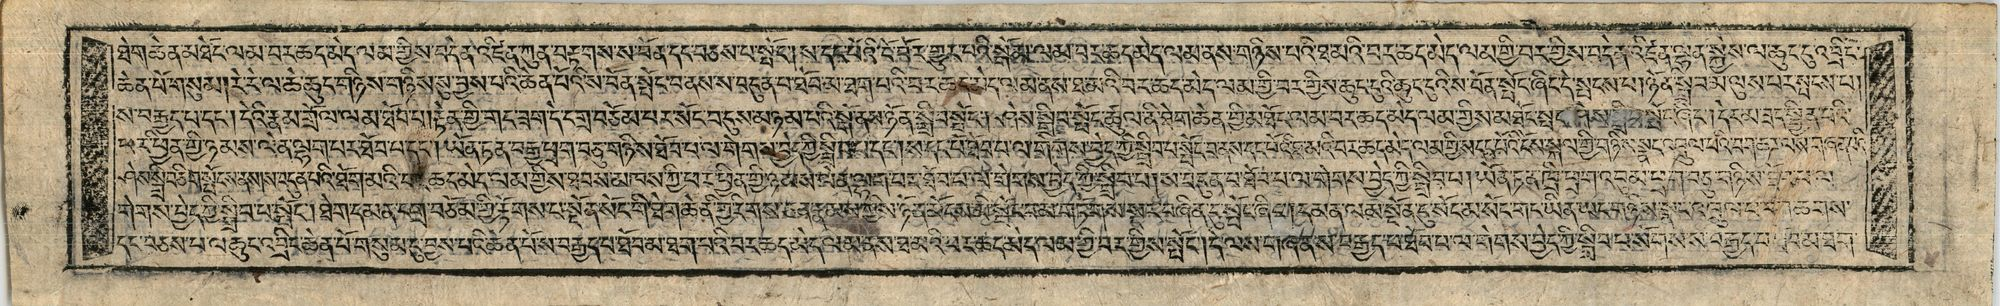ཐེག་ཆེན་མཐོང་ལམ་བར་ཆད་མེད་ལམ་གྱིས་བདེན་འཛིན་ཀུན་བརྟགས་ས་བོན་དང་བཅས་པ་སྤོང་། ས་དང་པོའི་ངོ་བོར་གྱུར་པའི་སྒོམ་ལམ་བར་ཆད་མེད་ལམ་ནས་གཉིས་པའི་ཐ་མའི་བར་ཆད་མེད་ལམ་གྱི་བར་གྱིས་བདེན་འཛིན་ལྷན་སྐྱེས་ལ་ཆུང་ངུ་འབྲིང་
ཆེན་པོ་གསུམ། རེ་རེ་ལ་ཆེ་ཆུང་གཉིས་གཉིས་སུ་བྱས་པའི་ཆེན་པོའི་ས་བོན་སྤོང་བ་ནས་ས་བདུན་པ་ཐོབ་མ་ཐག་པའི་བར་ཆད་མེད་ལམ་ནས་ཐ་མའི་བར་ཆད་མེད་ལམ་གྱི་བར་གྱིས་ཆུང་ངུའི་ཆུང་ངུའི་ས་བོན་སྤོང་ཞིང་དེ་སྤངས་པ། ཉོན་སྒྲིབ་མ་ལུས་པར་སྤངས་པ།
ས་བརྒྱད་པ་དང་། དེའི་རྣམ་གྲོལ་ལ་མ་ཐོབ་པ། རྟེན་གྱི་གང་ཟག་དེ་དགྲ་བཅོམ་པར་སོང་བ་དུས་མཉམ་པའི་སྒོ་ནས་ཉོན་སྒྲིབ་སྤོང་། ཤེས་སྒྲིབ་སྤོང་ཚུལ་ནི་ཐེག་ཆེན་གྱི་མཐོང་ལམ་བར་ཆད་མེད་ལམ་གྱིས་མཐོང་སྤང་ཤེས་སྒྲིབ་སྤོང་ཞིང་། དེར་མ་ཟད་སྦྱིན་པའི་
ཕར་ཕྱིན་གྱི་ཉམས་ལེན་ལྷག་པར་ཐོབ་པ་དང་། ཡོན་ཏན་བརྒྱ་ཕྲག་བཅུ་གཉིས་ཐོབ་པ་ལ་གེགས་བྱེད་ཀྱི་སྒྲིབ་པ་དང་། ས་དང་པོ་ཐོབ་པ་ལ་གེགས་བྱེད་ཀྱི་སྒྲིབ་པ་སྤོང་བ་ནས་དང་པོའི་ཐ་མའི་བར་ཆད་མེད་ལམ་གྱི་ས་དང་པོའི་ངོས་སྐལ་གྱི་གཉིས་སྣང་འཁྲུལ་པའི་བག་ཆགས་ལས་གཞན་པའི་
ཤེས་སྒྲིབ་ཅིག་སྤོང་བ་ནས། ས་བདུན་པའི་ཐོག་མའི་བར་ཆད་མེད་ལམ་གྱིས་ཐབས་མཁས་ཀྱི་ཕར་ཕྱིན་གྱི་ཉམས་ལེན་ལྷག་པར་ཐོབ་པ་ལ་གེགས་བྱེད་ཀྱི་སྒྲིབ་པ། ས་བདུན་པ་ཐོབ་པ་ལ་གེགས་བྱེད་ཀྱི་སྒྲིབ་པ། ཡོན་ཏན་ཁྲི་ཕྲག་འབུམ་ཕྲག་བཅུ་གཉིས་ཐོབ་པ་ལ་
གེགས་བྱེད་ཀྱི་སྒྲིབ་པ་སྤོང་། ཐེག་དམན་དགྲ་བཅོམ་གྱི་རྟོགས་པ་སྔོན་སོང་གི་ཐེག་ཆེན་གྱི་རིགས་ཅན་རྣམས་ཀྱིས་ཉོན་མོངས་མི་སྤོང་བ་མ་གཏོགས་སྔར་བཞིན་དུ་སྤོང་ཞིང་། དམན་ལམ་སྔོན་དུ་སོང་མ་སོང་གང་ཡིན་ཡང་གཉིས་སྣང་འཁྲུལ་པ་བག་ཆགས་
དང་བཅས་པ་ལ་ཆུང་འབྲིང་ཆེན་པོ་གསུམ་དུ་བྱས་པའི་ཆེན་པོ་ས་བརྒྱད་པ་ཐོབ་མ་ཐག་པའི་བར་ཆད་མེད་ལམ་ནས་ཐ་མའི་བར་ཆད་མེད་ལམ་གྱི་བར་གྱིས་སྤོང་། དེ་ལས་གཞན་ས་བརྒྱད་པ་ཐོབ་པ་ལ་གེགས་བྱེད་ཀྱི་སྒྲིབ་པ་སོགས་ས་བརྒྱད་པ་ཐོབ་མ་ཐག་